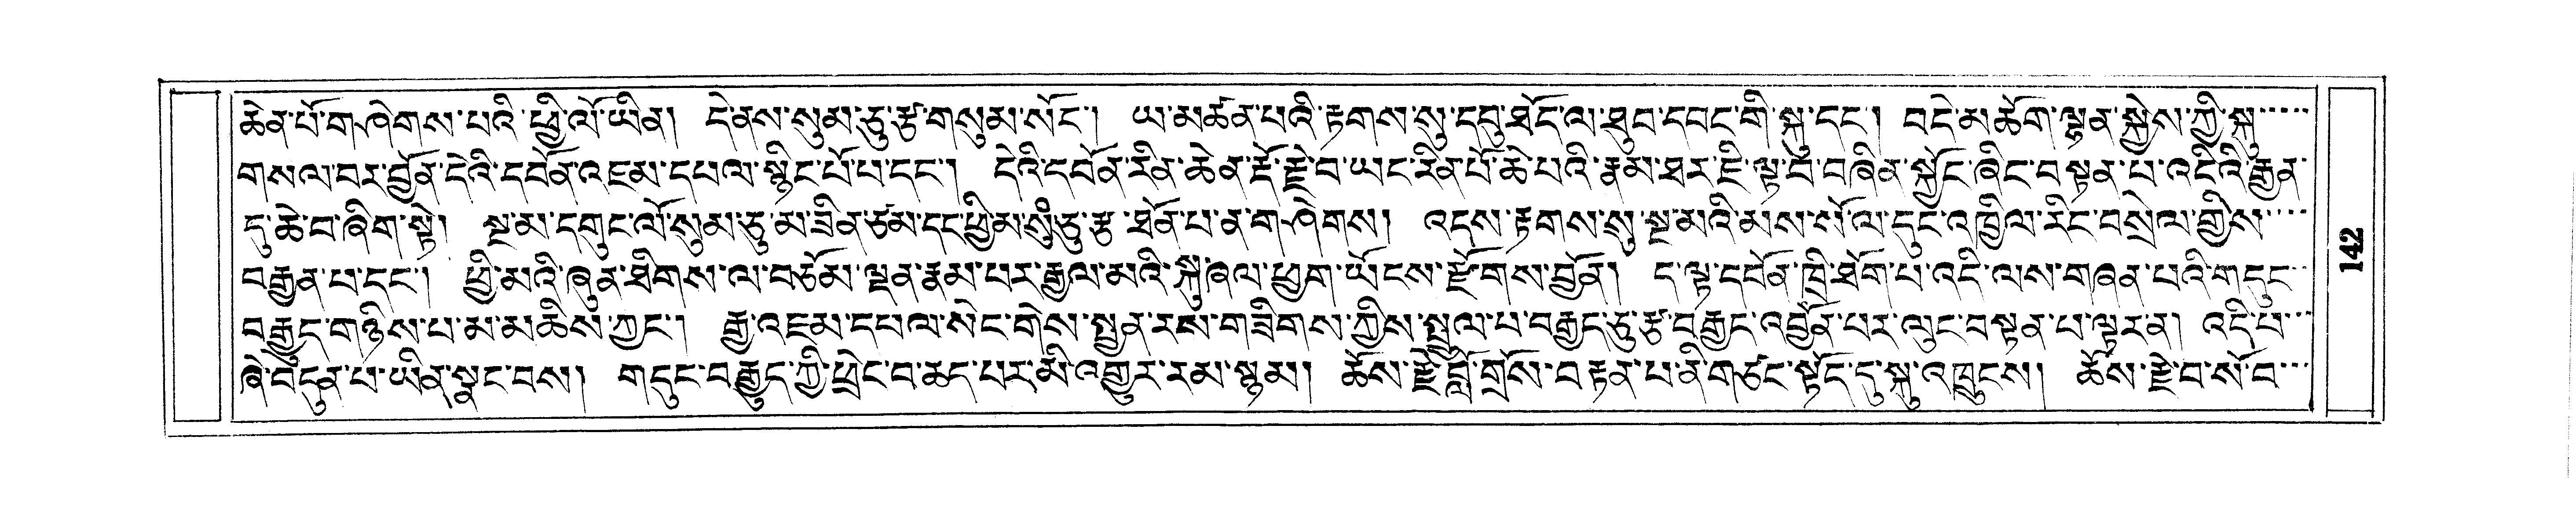ཆེན་པོ་གཤེགས་པའི་ཕྱི་ལོ་ཡིན། དེ་ནས་སུམ་ཅུ་རྩ་གསུམ་སོང་། ཡ་མཚན་པའི་རྟགས་སུ་དབུ་ཐོད་ལ་ཐུབ་དབང་གི་སྐུ་དང་། བདེ་མཆོག་ལྷན་སྐྱེས་ཀྱི་སྐུ་
གསལ་བར་བྱོན་དེའི་དབོན་འཇམ་དཔལ་སྙིང་པོ་པ་དང་། དེའི་དབོན་རིན་ཆེན་རྡོ་རྗེ་བ་ཡང་རིན་པོ་ཆེ་པའི་རྣམ་ཐར་ཇི་ལྟ་བ་བཞིན་སྐྱོང་ཞིང་བསྟན་པ་འདིའི་རྒྱན་
དུ་ཆེ་བ་ཞིག་སྟེ། སྔ་མ་དགུང་ལོ་སུམ་ཅུ་མ་ཟིན་ཙམ་དང་ཕྱི་མ་སུཾ་ཅུ་རྩ་ཐོན་པ་ན་གཤེགས། འདས་རྟགས་སུ་སྔ་མའི་མས་སོ་ལ་དུང་འཁྱིལ་རིང་བསྲེལ་གྱིས་
བརྒྱན་པ་དང་། ཕྱི་མའི་ཞུན་ཐིགས་ལ་བཅོམ་ལྡན་རྣམ་པར་རྒྱལ་མའི་སྐུ་ཞལ་ཕྱག་ཡོངས་རྫོགས་བྱོན། ད་ལྟ་དབོན་ཁྲི་ཐོག་པ་འདི་ལས་གཞན་པའི་གདུང་
བརྒྱུད་གཉིས་པ་མ་མཆིས་ཀྱང་། རྒྱ་འཇམ་དཔལ་སེང་གེས་སྤྱན་རས་གཟིགས་ཀྱིས་སྤྲུལ་པ་བརྒྱད་ཅུ་རྩ་བརྒྱད་འབྱོན་པར་ལུང་བསྟན་པ་ལྟར་ན། འདི་པ་
ཞེ་བདུན་པ་ཡིན་སྣང་བས། གདུང་བརྒྱུད་ཀྱི་ཕྲེང་བ་ཆད་པར་མི་འགྱུར་རམ་སྙམ། ཆོས་རྗེ་བློ་གྲོས་བརྟན་པ་ནི་གཙང་སྟོད་དུ་སྐུ་འཁྲུངས། ཆོས་རྗེ་བ་སོ་བ་